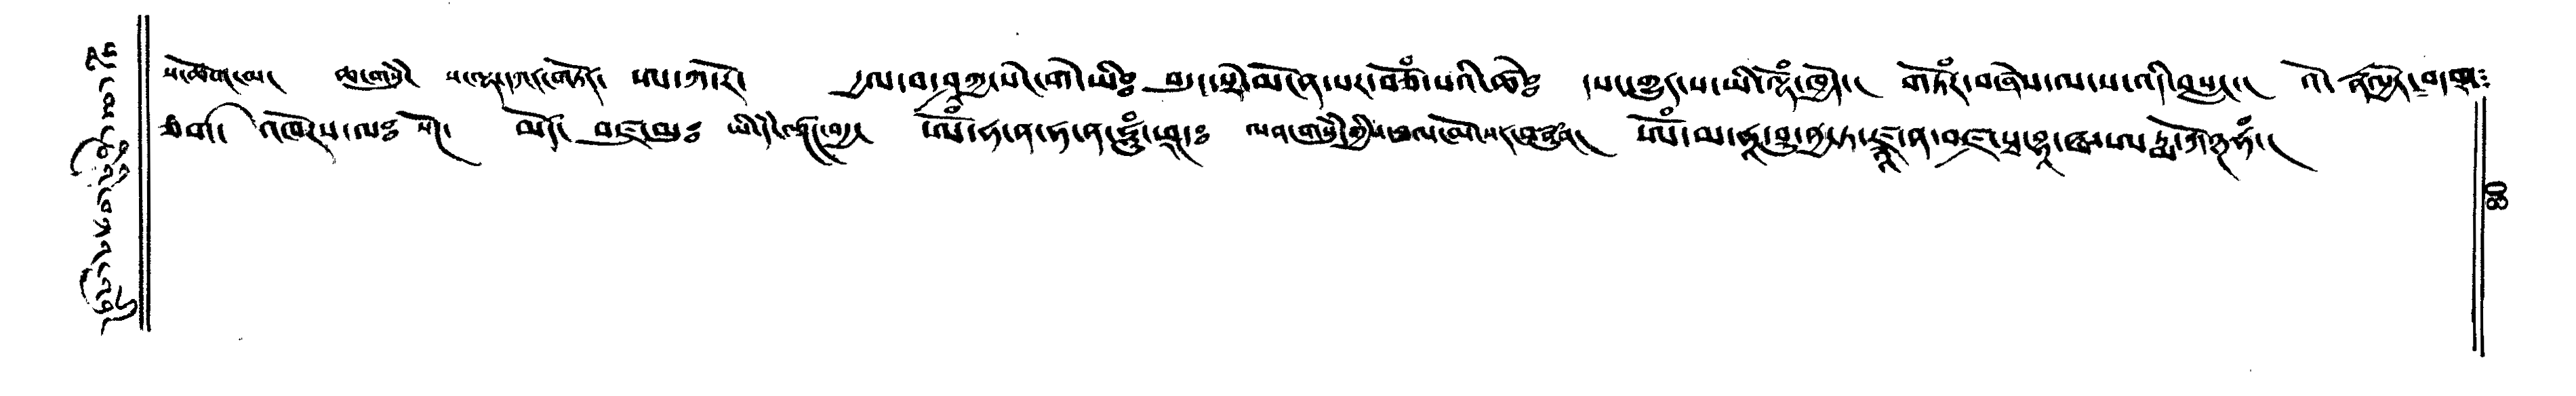ས་ཆོག་ལ། ཆ་གསུམ། ས་ལྷའི་དཀར་གཏོར། ཨ་ཀ་རོ༴ རྒྱལ་བ་ཤཱཀྱ་སེང་གེ་ཡི། །བདུད་སྡེ་མངོན་པར་བཅོམ་པའི་ཚེ། །དབང་གྱུར་ས་ཡི་ལྷ་མོ་ཁྱོད། །གཏོར་མ་བཞེས་ལ་ས་འདི་བསླང་།འོ། རྣལ་འབྱོར་བདག་
ཅག་འཁོར་བཅས་ལ། སོགས། མཛོདཿ བཛྲ་མུཿ ཡི་དམ་རྩ་སྔགས་བརྒྱ། ཨོཾ་ཧ་ན་ཧ་ན་ཧཱུཾ་ཕཊཿ ལན་གསུམ་གྱིས་ཐལ་མོ་སར་བསྣུན། ཨོཾ་མ་ཧཱ་ཤུ་ནྱ་ཏ་ཛྙཱ་ན་བཛྲ་སྭ་བྷཱ་ཝ་ཨཏྨ་ཀོ྅་ཧཾ། དགེའོ།།